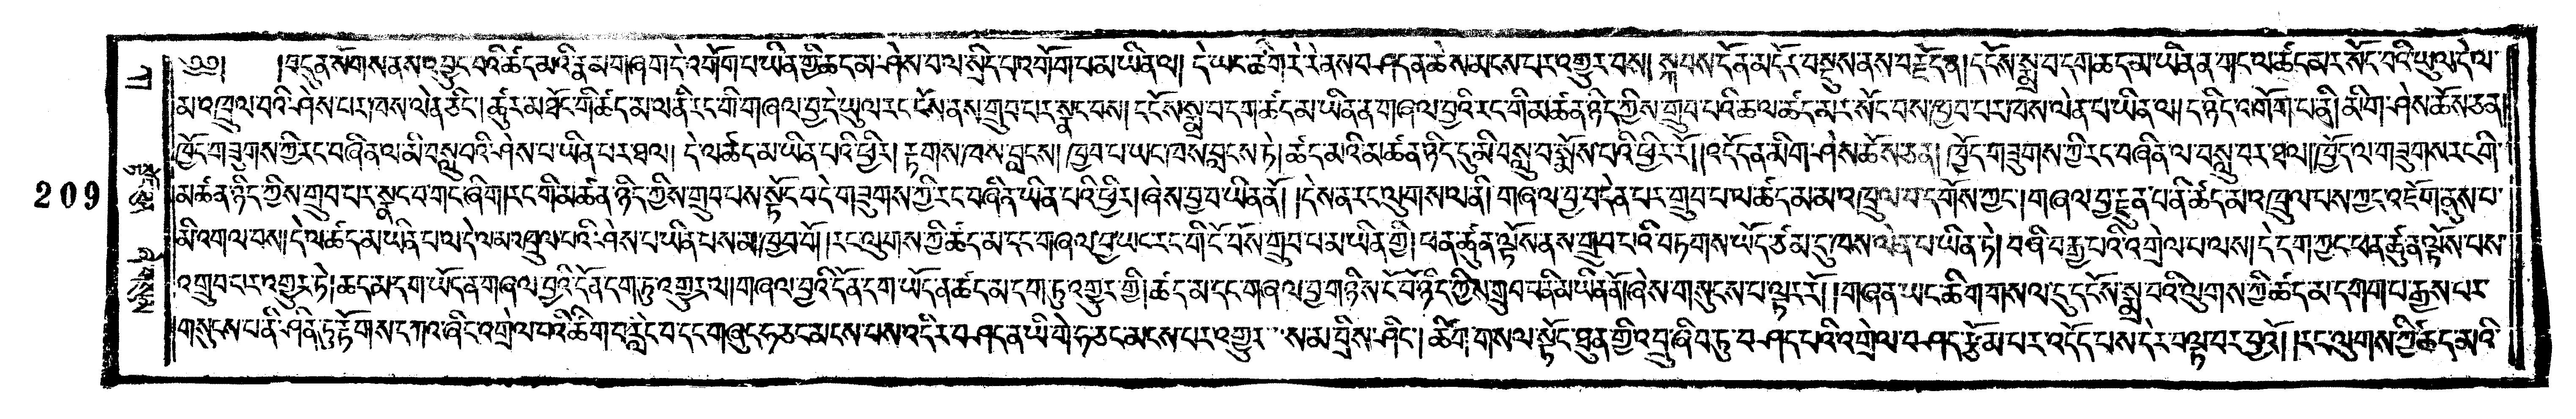༄༅། །བདུན་སོགས་ནས་འབྱུང་བའི་ཚད་མའི་རྣམ་གཞག་དེ་འགོག་པ་ཡིན་གྱི་ཚད་མ་ཤེས་བྱ་ལ་སྲིད་པ་འགོག་པ་མ་ཡིན་ལ། དེ་ཡང་ཚིག་རེ་རེ་ནས་བཤད་ན་ཆེས་མངས་པར་འགྱུར་བས། སྐབས་དོན་མདོར་བསྡུས་ནས་བརྗོད་ན། དངོས་སྨྲ་བ་ངག་ཆད་མ་ཡིན་ན་གང་ལ་ཚད་མར་སོང་བའི་ཡུལ་དེ་ལ་
མ་འཁྲུལ་བའི་ཤེས་པར་ཁས་ལེན་ཅིང་། ཚུར་མཐོང་གི་ཚད་མ་ལ་ནི་རང་གི་གཞལ་བྱ་དེ་ཡུལ་རང་ངོས་ནས་གྲུབ་པར་སྣང་བས། དངོས་སྨྲ་བ་དག་ཚད་མ་ཡིན་ན་གཞལ་བྱའི་རང་གི་མཚན་ཉིད་ཀྱིས་གྲུབ་པའི་ཆ་ལ་ཚད་མར་སོང་བས་ཁྱབ་པར་ཁས་ལེན་པ་ཡིན་ལ། དེ་ཉིད་འགོག་པ་ནི། མིག་ཤེས་ཆོས་ཅན་
ཁྱོད་གཟུགས་ཀྱི་རང་བཞིན་ལ་མི་བསླུ་བའི་ཤེས་པ་ཡིན་པར་ཐལ། དེ་ལ་ཚད་མ་ཡིན་པའི་ཕྱིར། རྟགས་ཁས་བླངས། ཁྱབ་པ་ཡང་ཁས་བླངས་ཏེ། ཚད་མའི་མཚན་ཉིད་དུ་མི་བསླུ་བ་སྨོས་པའི་ཕྱིར་རོ། །འདོད་ན་མིག་ཤེས་ཆོས་ཅན། ཁྱོད་གཟུགས་ཀྱི་རང་བཞིན་ལ་བསླུ་བར་ཐལ། ཁྱོད་ལ་གཟུགས་རང་གི་
མཚན་ཉིད་ཀྱིས་གྲུབ་པར་སྣང་བ་གང་ཞིག། རང་གི་མཚན་ཉིད་ཀྱིས་གྲུབ་པས་སྟོང་བ་དེ་གཟུགས་ཀྱི་རང་བཞིན་ཡིན་པའི་ཕྱིར། ཞེས་བྱ་བ་ཡིན་ནོ། །དེས་ན་རང་ལུགས་ལ་ནི། གཞལ་བྱ་བདེན་པར་གྲུབ་པ་ལ་ཚད་མ་མ་འཁྲུལ་བ་དགོས་ཀྱང་། གཞལ་བྱ་རྫུན་པ་ནི་ཚད་མ་འཁྲུལ་པས་ཀྱང་འཇོག་ནུས་པ་
མི་འགལ་བས། དེ་ལ་ཚད་མ་ཡིན་པ་ལ་དེ་ལ་མ་འཁྲུལ་པའི་ཤེས་པ་ཡིན་པས་མ་ཁྱབ་བོ། །རང་ལུགས་ཀྱི་ཚད་མ་དང་གཞལ་བྱ་ཡང་རང་གི་ངོ་བོས་གྲུབ་པ་མ་ཡིན་གྱི། ཕན་ཚུན་ལྟོས་ནས་གྲུབ་པའི་བཏགས་ཡོད་ཙམ་དུ་ཁས་ལེན་པ་ཡིན་ཏེ། བཞི་བརྒྱ་པའི་འགྲེལ་པ་ལས། དེ་དག་ཀྱང་ཕན་ཚུན་ལྟོས་པས་
འགྲུབ་པར་འགྱུར་ཏེ། ཚད་མ་དག་ཡོད་ན་གཞལ་བྱའི་དོན་དག་ཏུ་འགྱུར་ལ། གཞལ་བྱའི་དོན་དག་ཡོད་ན་ཚད་མ་དག་ཏུ་འགྱུར་གྱི། ཚད་མ་དང་གཞལ་བྱ་གཉིས་ངོ་བོ་ཉིད་ཀྱིས་གྲུབ་པ་ནི་མ་ཡིན་ནོ། ཞེས་གསུངས་པ་ལྟར་རོ། །གཞན་ཡང་ཚིག་གསལ་དུ་དངོས་སྨྲ་བའི་ལུགས་ཀྱི་ཚད་མ་དགག་པ་རྒྱས་པར་
གསུངས་པ་ནི་ཤིན་ཏུ་རྟོགས་དཀའ་ཞིང་འགྲེལ་བའི་ཚིག་བརླིང་བ་དང་གཞུང་ཧ་ཅང་མངས་པས་འདིར་བཤད་ན་ཡི་གེ་ཧ་ཅང་མངས་པར་འགྱུར་བས་མ་བྲིས་ཤིང་། ཚིག་གསལ་སྟོང་ཐུན་གྱི་འབྲུ་ཞིབ་ཏུ་བཤད་པའི་འགྲེལ་བཤད་རྩོམ་པར་འདོད་པས་དེར་བལྟ་བར་བྱའོ། །རང་ལུགས་ཀྱི་ཚད་མའི་